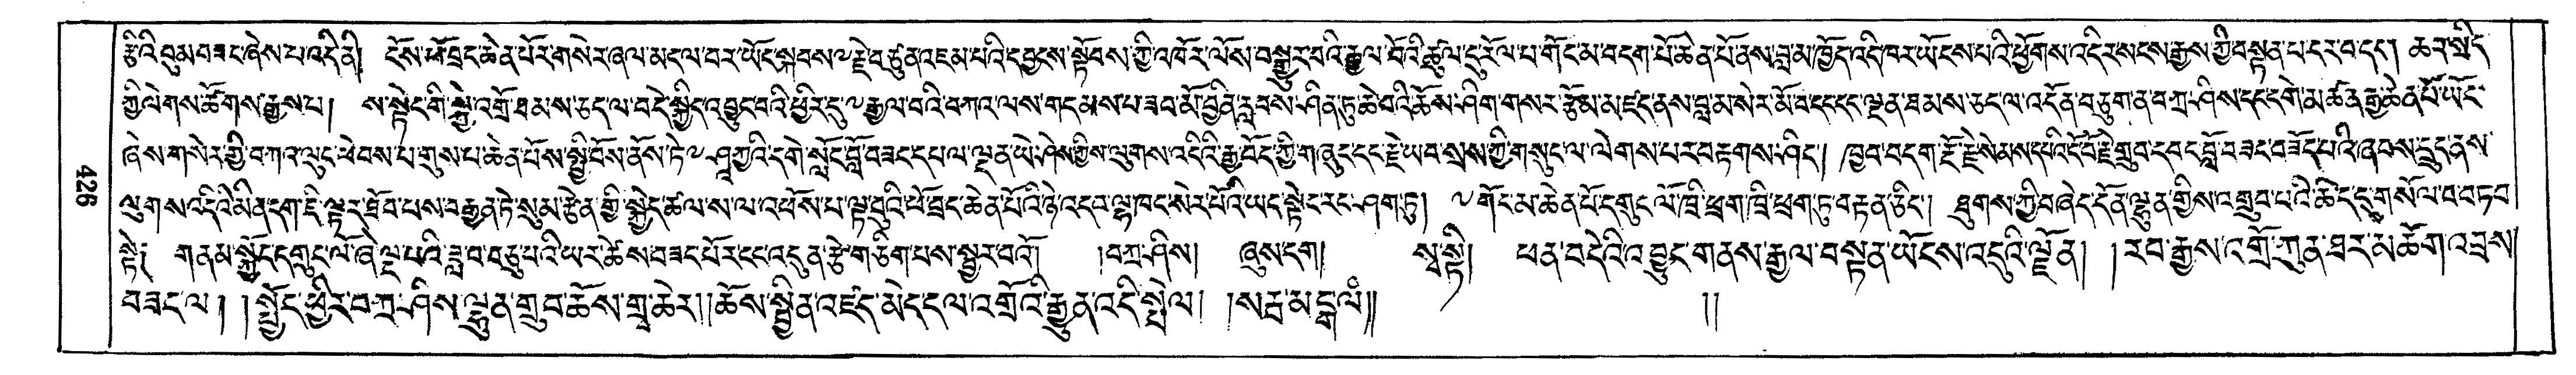རྩིའི་བུམ་བཟང་ཞེས་པ་འདི་ནི། ངོས་ཕོ་བྲང་ཆེན་པོར་གསེར་ཞལ་མཇལ་བར་ཡོང་སྐབས ༧རྗེ་བཙུན་འཇམ་པའི་དབྱངས་སྟོབས་ཀྱི་འཁོར་ལོས་བསྒྱུར་པའི་རྒྱལ་བོའི་ཚུལ་དུ་རོལ་པ་གོང་མ་བདག་པོ་ཆེན་པོ་ནས་བླ་མ་ཁྱོད་འདི་ཁང་ཡོངས་པའི་ཕྱོགས་འདིར་སངས་རྒྱས་ཀྱི་བསྟན་པ་དང་བ་དང་། ཆབ་སྲིད་
ཀྱི་ལེགས་ཚོགས་རྒྱས་པ། ས་སྟེང་གི་སྐྱེ་འགྲོ་ཐམས་ཅད་ལ་བདེ་སྐྱིད་འབྱུང་བའི་ཕྱིར་དུ ༧རྒྱལ་བའི་བཀའ་ལས་གདམས་པ་ཟབ་མོ་བྱིན་རླབས་ཤིན་ཏུ་ཆེ་བའི་ཆོས་ཤིག་གསར་རྩོམ་མཛད་ནས་བླ་མ་སེར་མོ་བ་དང་དད་ལྡན་ཐམས་ཅད་ལ་འདོན་བཅུག་ན་བཀྲ་ཤིས་དང་དགེ་མཚན་རྒྱ་ཆེན་པོ་ཡོང་
ཞེས་གསེར་གྱི་བཀའ་ལུང་ཕེབས་པ་གུས་པ་ཆེན་པོས་སྤྱི་བོས་ནོས་ཏེ ༧ཤཱཀྱའི་དགེ་སློང་བློ་བཟང་དཔལ་ལྡན་ཡེ་ཤེས་ཀྱིས་ལུགས་འདིའི་རྒྱ་བོད་ཀྱི་གཞུང་དང་རྗེ་ཡབ་སྲས་ཀྱི་གསུང་ལ་ལེགས་པར་བརྟགས་ཤིང་། ཁྱབ་བདག་རྡོ་རྗེ་སེམས་དཔའི་ངོ་བོ་རྗེ་གྲུབ་དབང་བློ་བཟང་བཟོད་པའི་ཞབས་དྲུང་ནས་
ལུགས་འདིའི་མན་ངག་ཇི་ལྟར་ཐོབ་པས་བརྒྱན་ཏེ་སུམ་རྩེན་གྱི་སྐྱེད་ཚ་ས་ལ་འཕོས་པ་ལྟ་བུའི་ཕོ་བྲང་ཆེན་པོའི་ཉེ་འདབ་ལྷ་ཁང་སེར་པོའི་ཡང་སྟེང་རང་ཤག་ཏུ། ༧གོང་མ་ཆེན་པོ་དགུང་ལོ་ཁྲི་ཕྲག་ཁྲི་ཕྲག་ཏུ་བརྟན་ཅིང་། ཐུགས་ཀྱི་བཞེད་དོན་ལྷུན་གྱིས་འགྲུབ་པའི་ཆེད་དུ་གསོལ་བ་བཏབ་
སྟེ༑ གནམ་སྐྱོང་དགུང་ལོ་ཞེ་ལྔ་པའི་ཟླ་བ་བཅུ་པའི་ཡར་ཚེས་བཟང་བོར་ངང་བདུན་རྩེ་གཅིག་པས་སྦྱར་བའོ། །བཀྲ་ཤིས། ཞུས་དག། སྭ་སྟི༑ ཕན་བདེའི་འབྱུང་གནས་རྒྱལ་བསྟན་ཡོངས་འདུའི་ལྗོན། །རབ་རྒྱས་འགྲོ་ཀུན་ཐར་མཆོག་འབྲས་
བཟང་ལ། །སྤྱོད་ཕྱིར་བཀྲ་ཤིས་ལྷུན་གྲུབ་ཆོས་གྲྭ་ཆེར། །ཆོས་སྤྱིན་འཛད་མེད་དལ་འགྲོའི་རྒྱུན་འདི་སྤེལ། །སརྦ་མངྒ་ལཾ།། །།